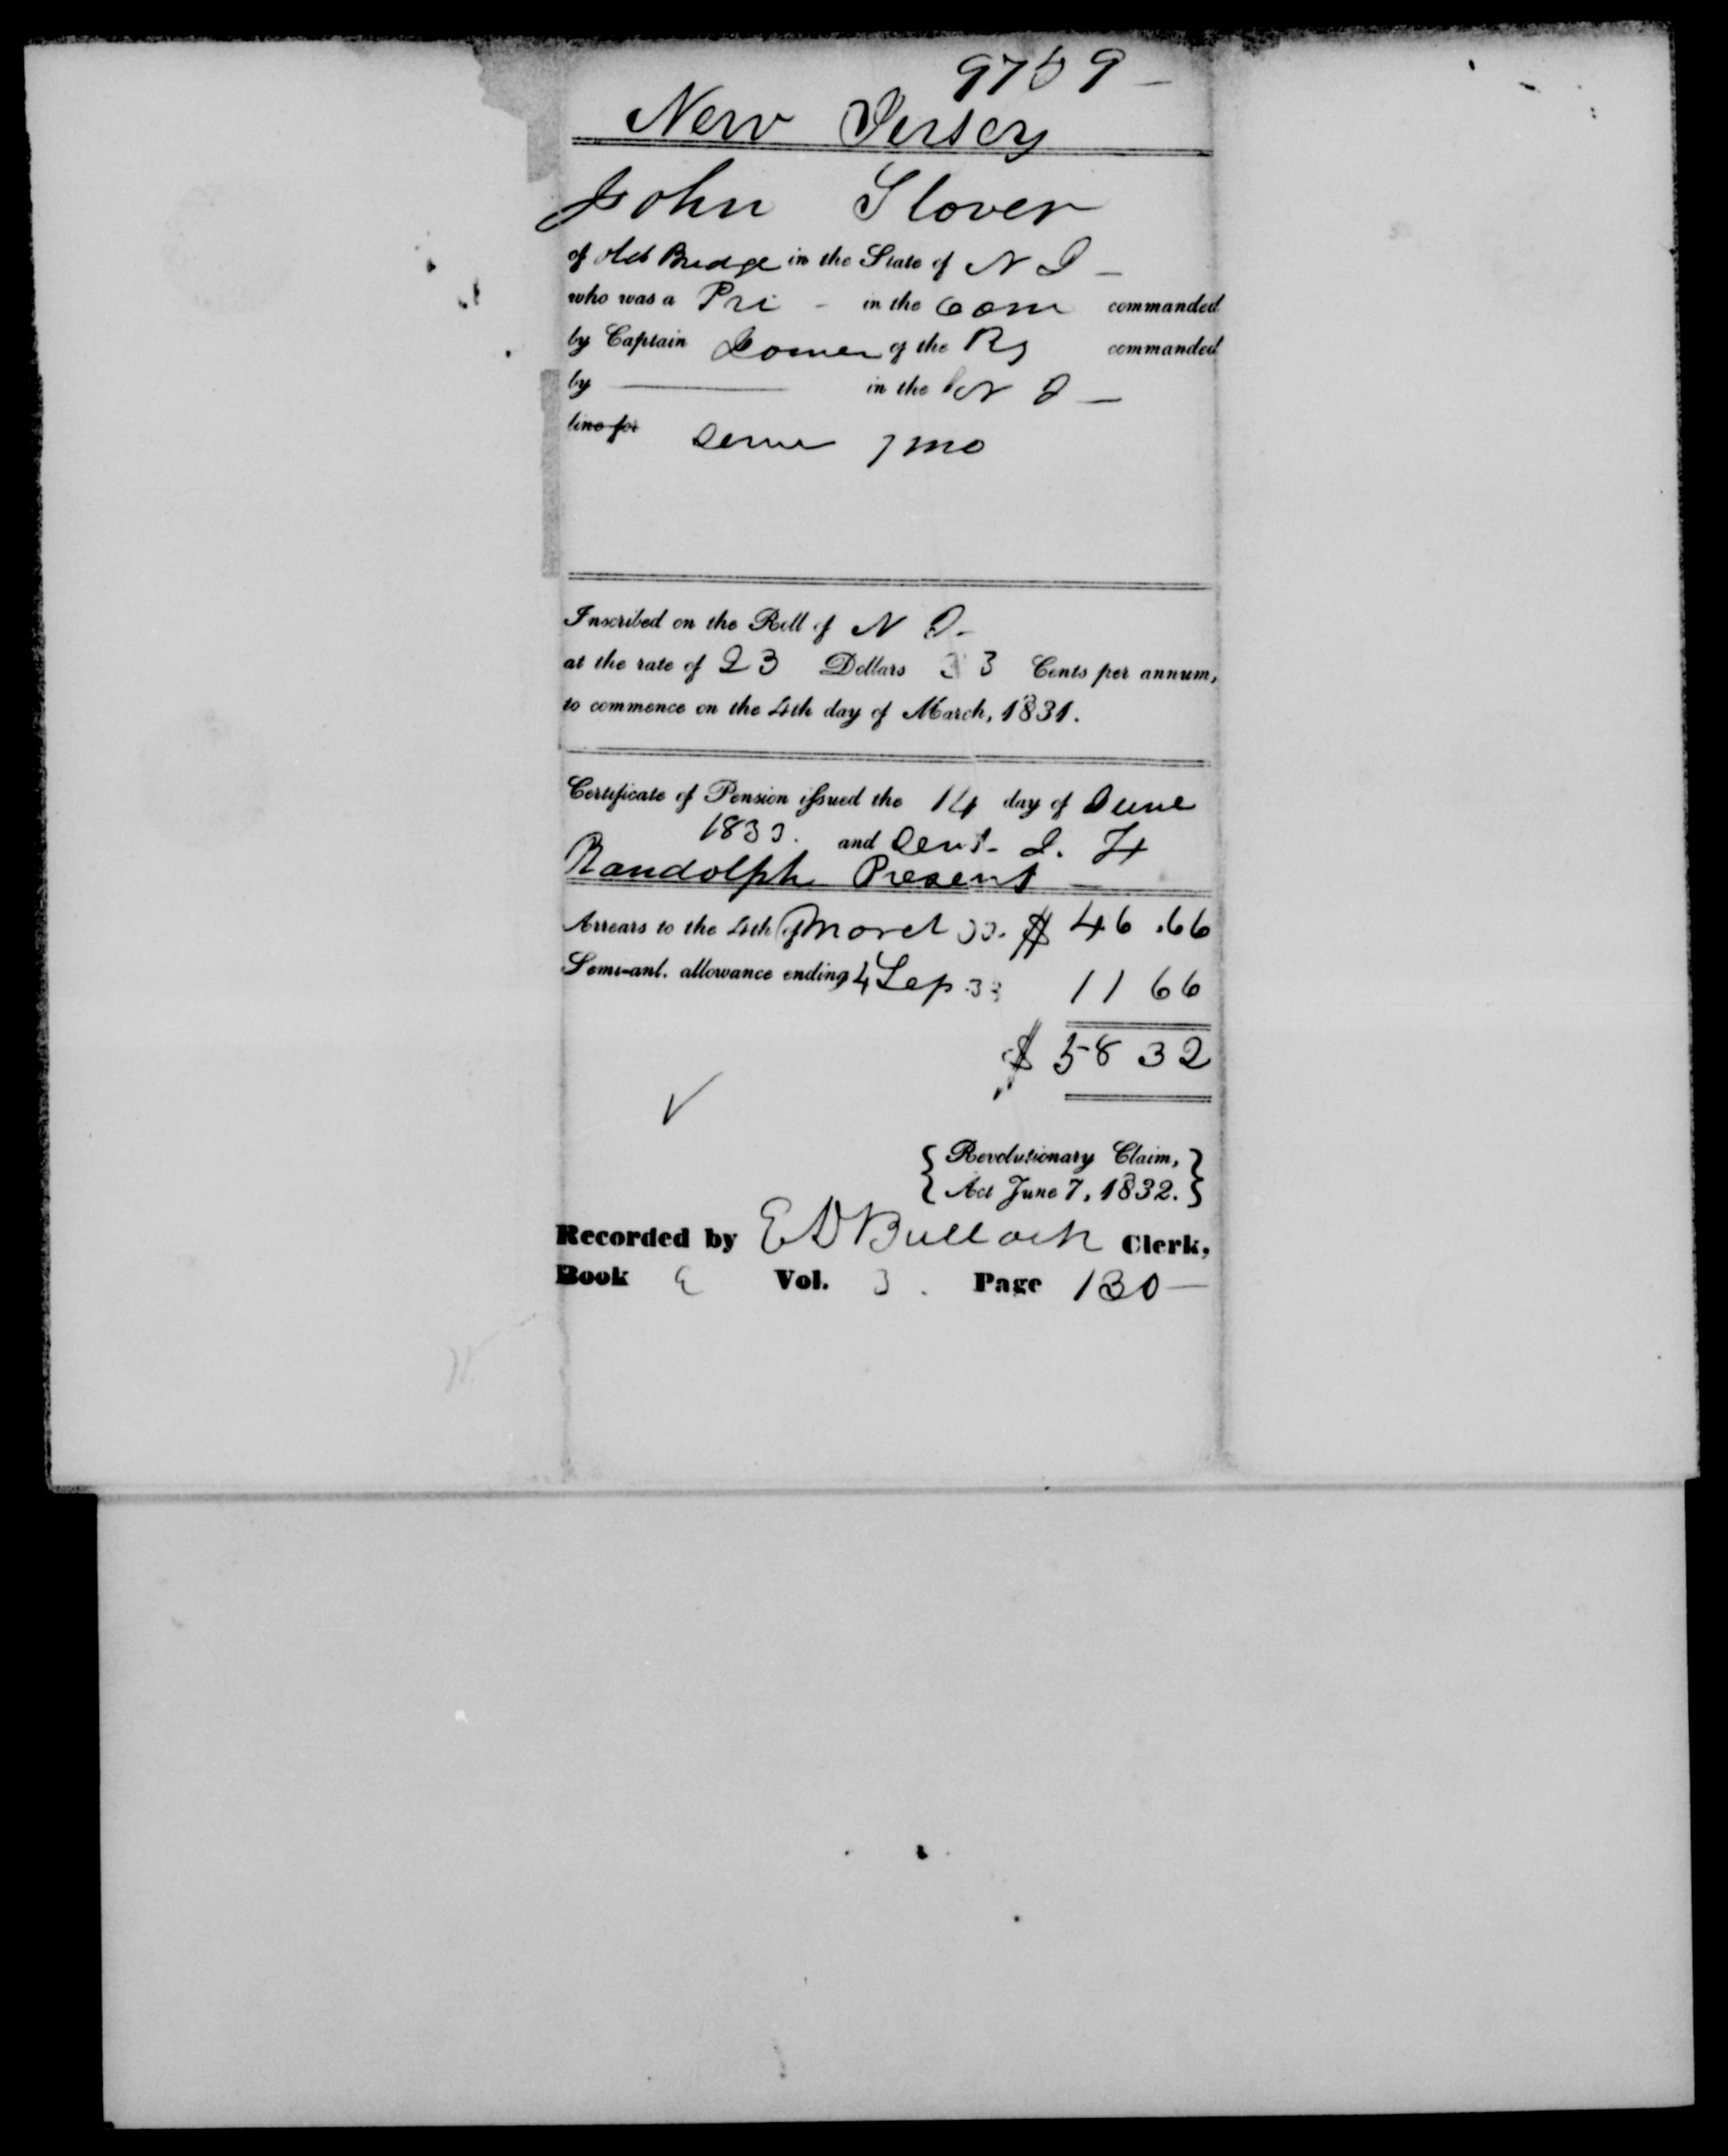9759
New Jersey
John Slover of Old Bridge in the State of NJ Who was a Pri - in the {unknown} commanded by Captain Josner of the Reg commanded by _____ in the {unknown} line for
serve 7 mo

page: 2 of 46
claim: widow's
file: W. 6205, for John Slover, New Jersey